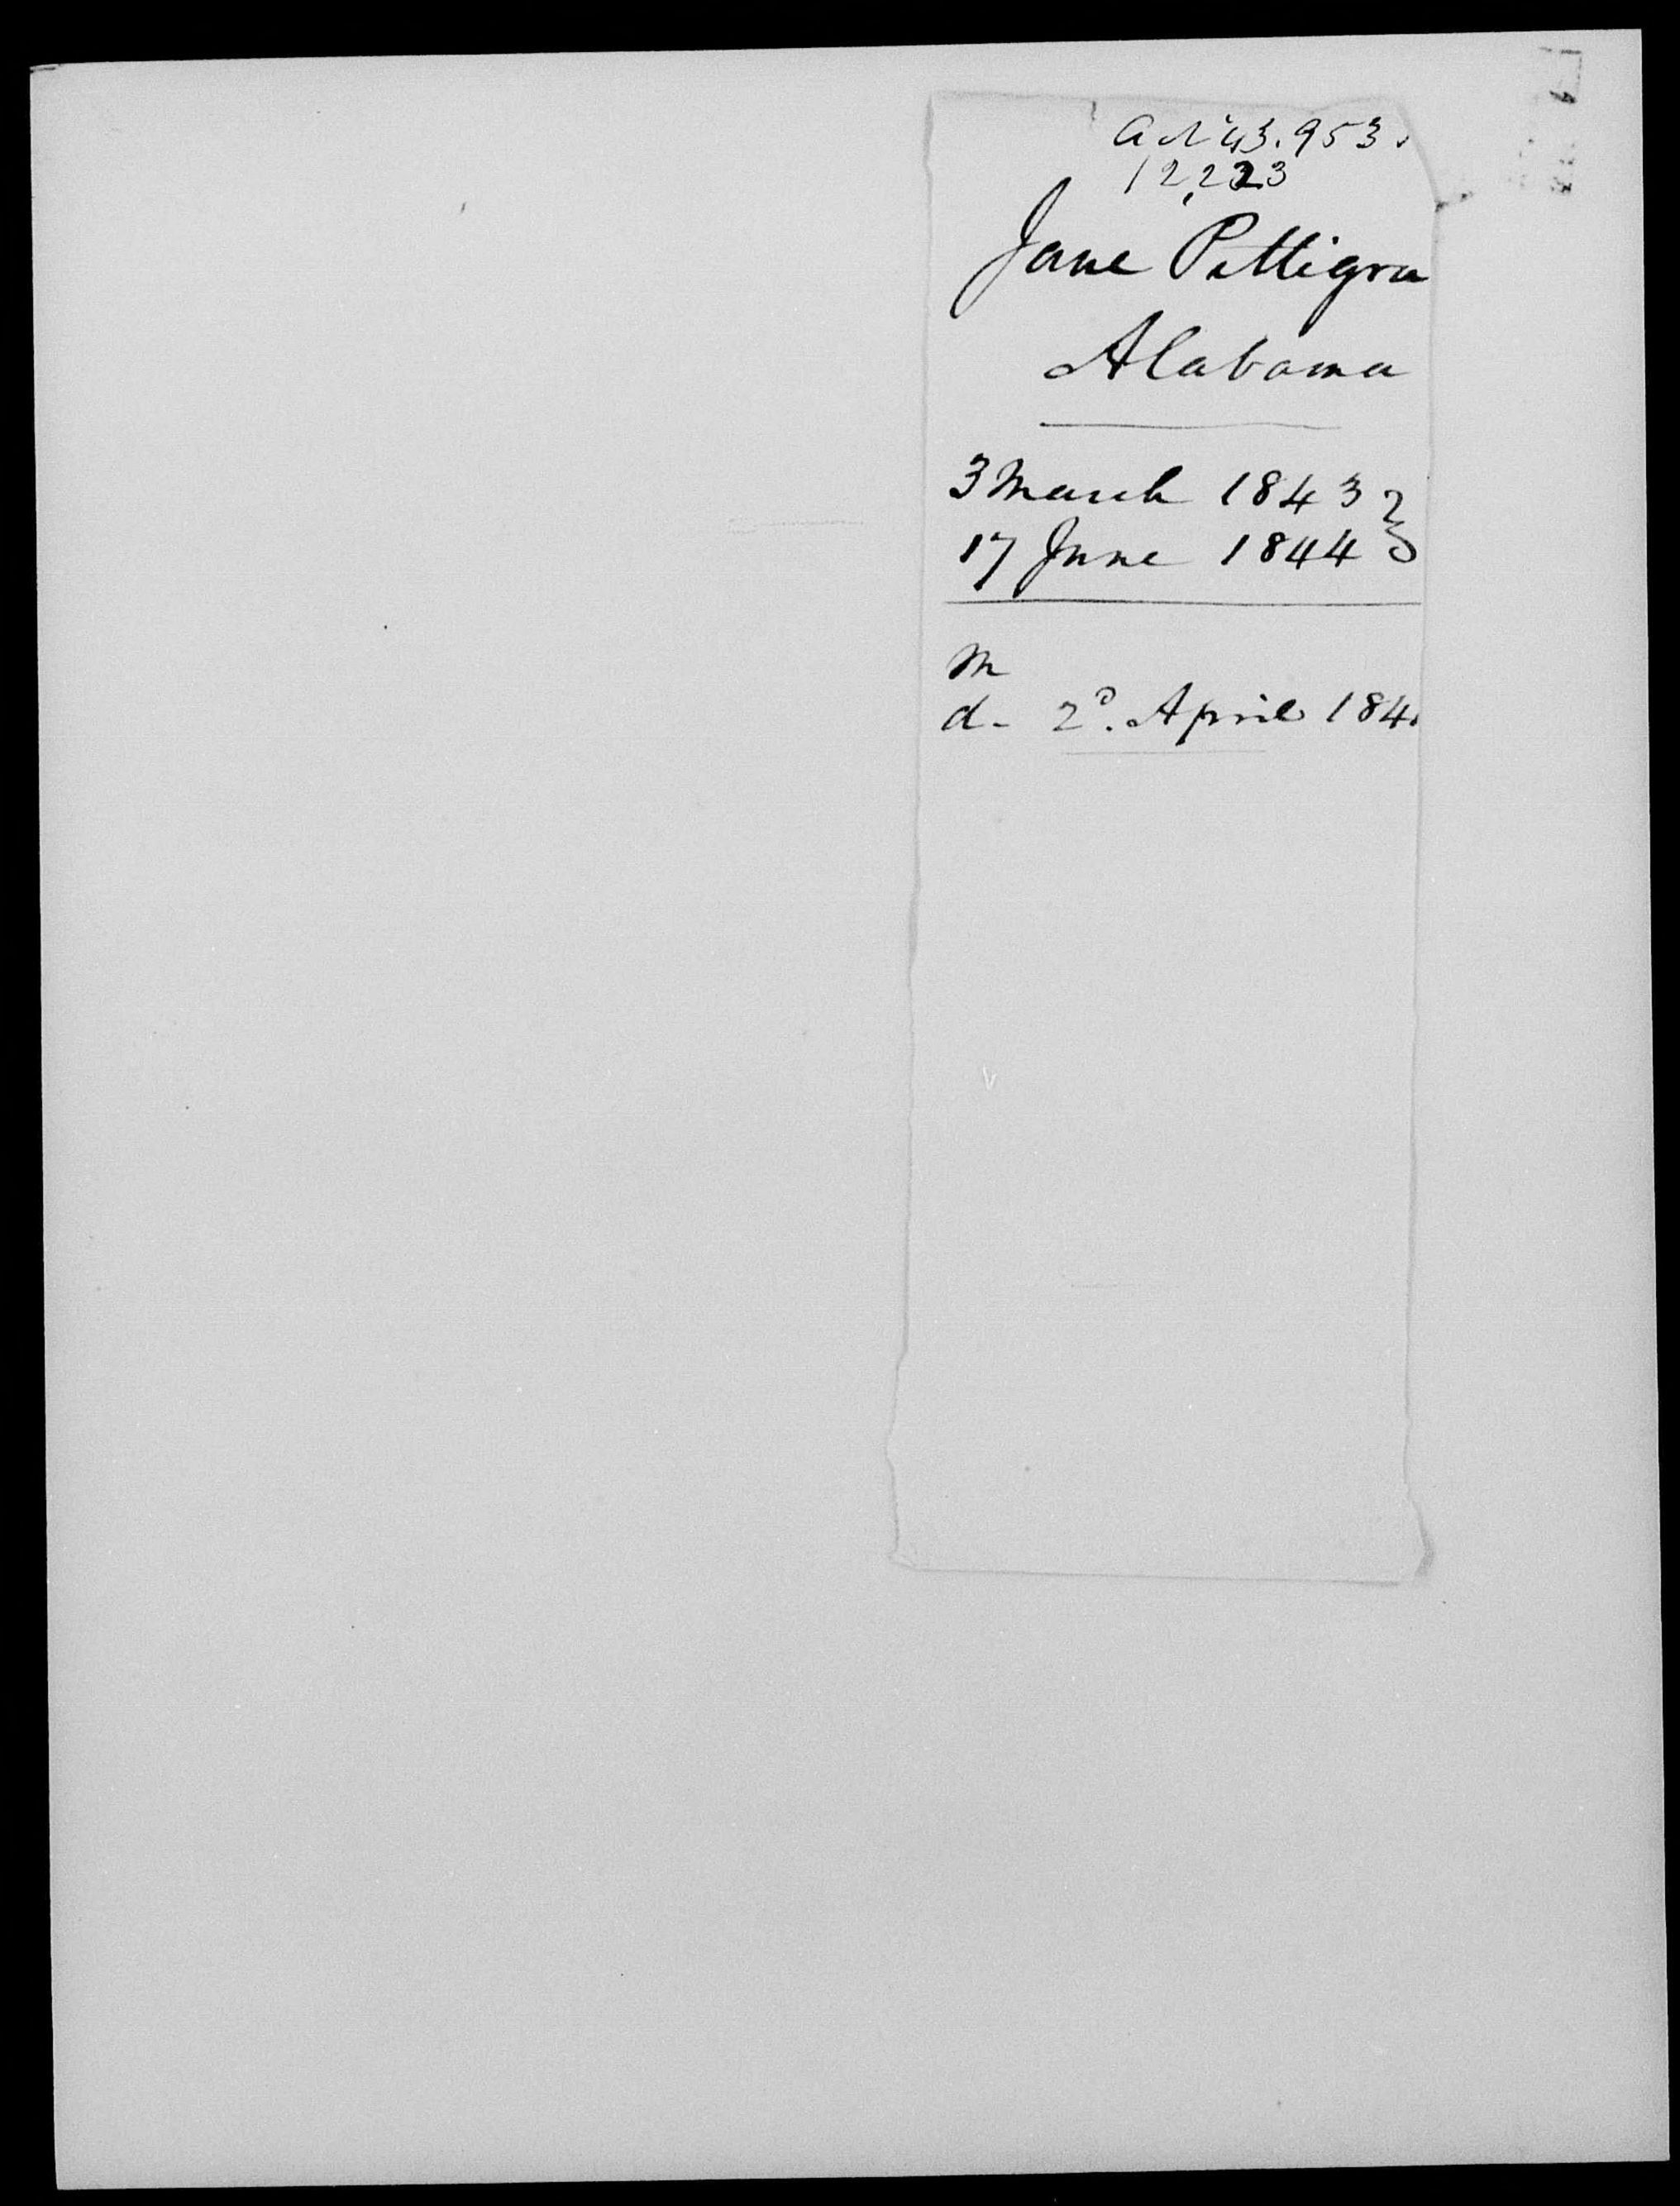a r '43. 953
12.223

Jane Pettigree

Alabama

3 March 1843
17 June 1844

M
d. 2nd April 184? illegible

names: Jane Pettigree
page: 33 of 92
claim: widow's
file: W. 5522, for James Pettigrew, South Carolina